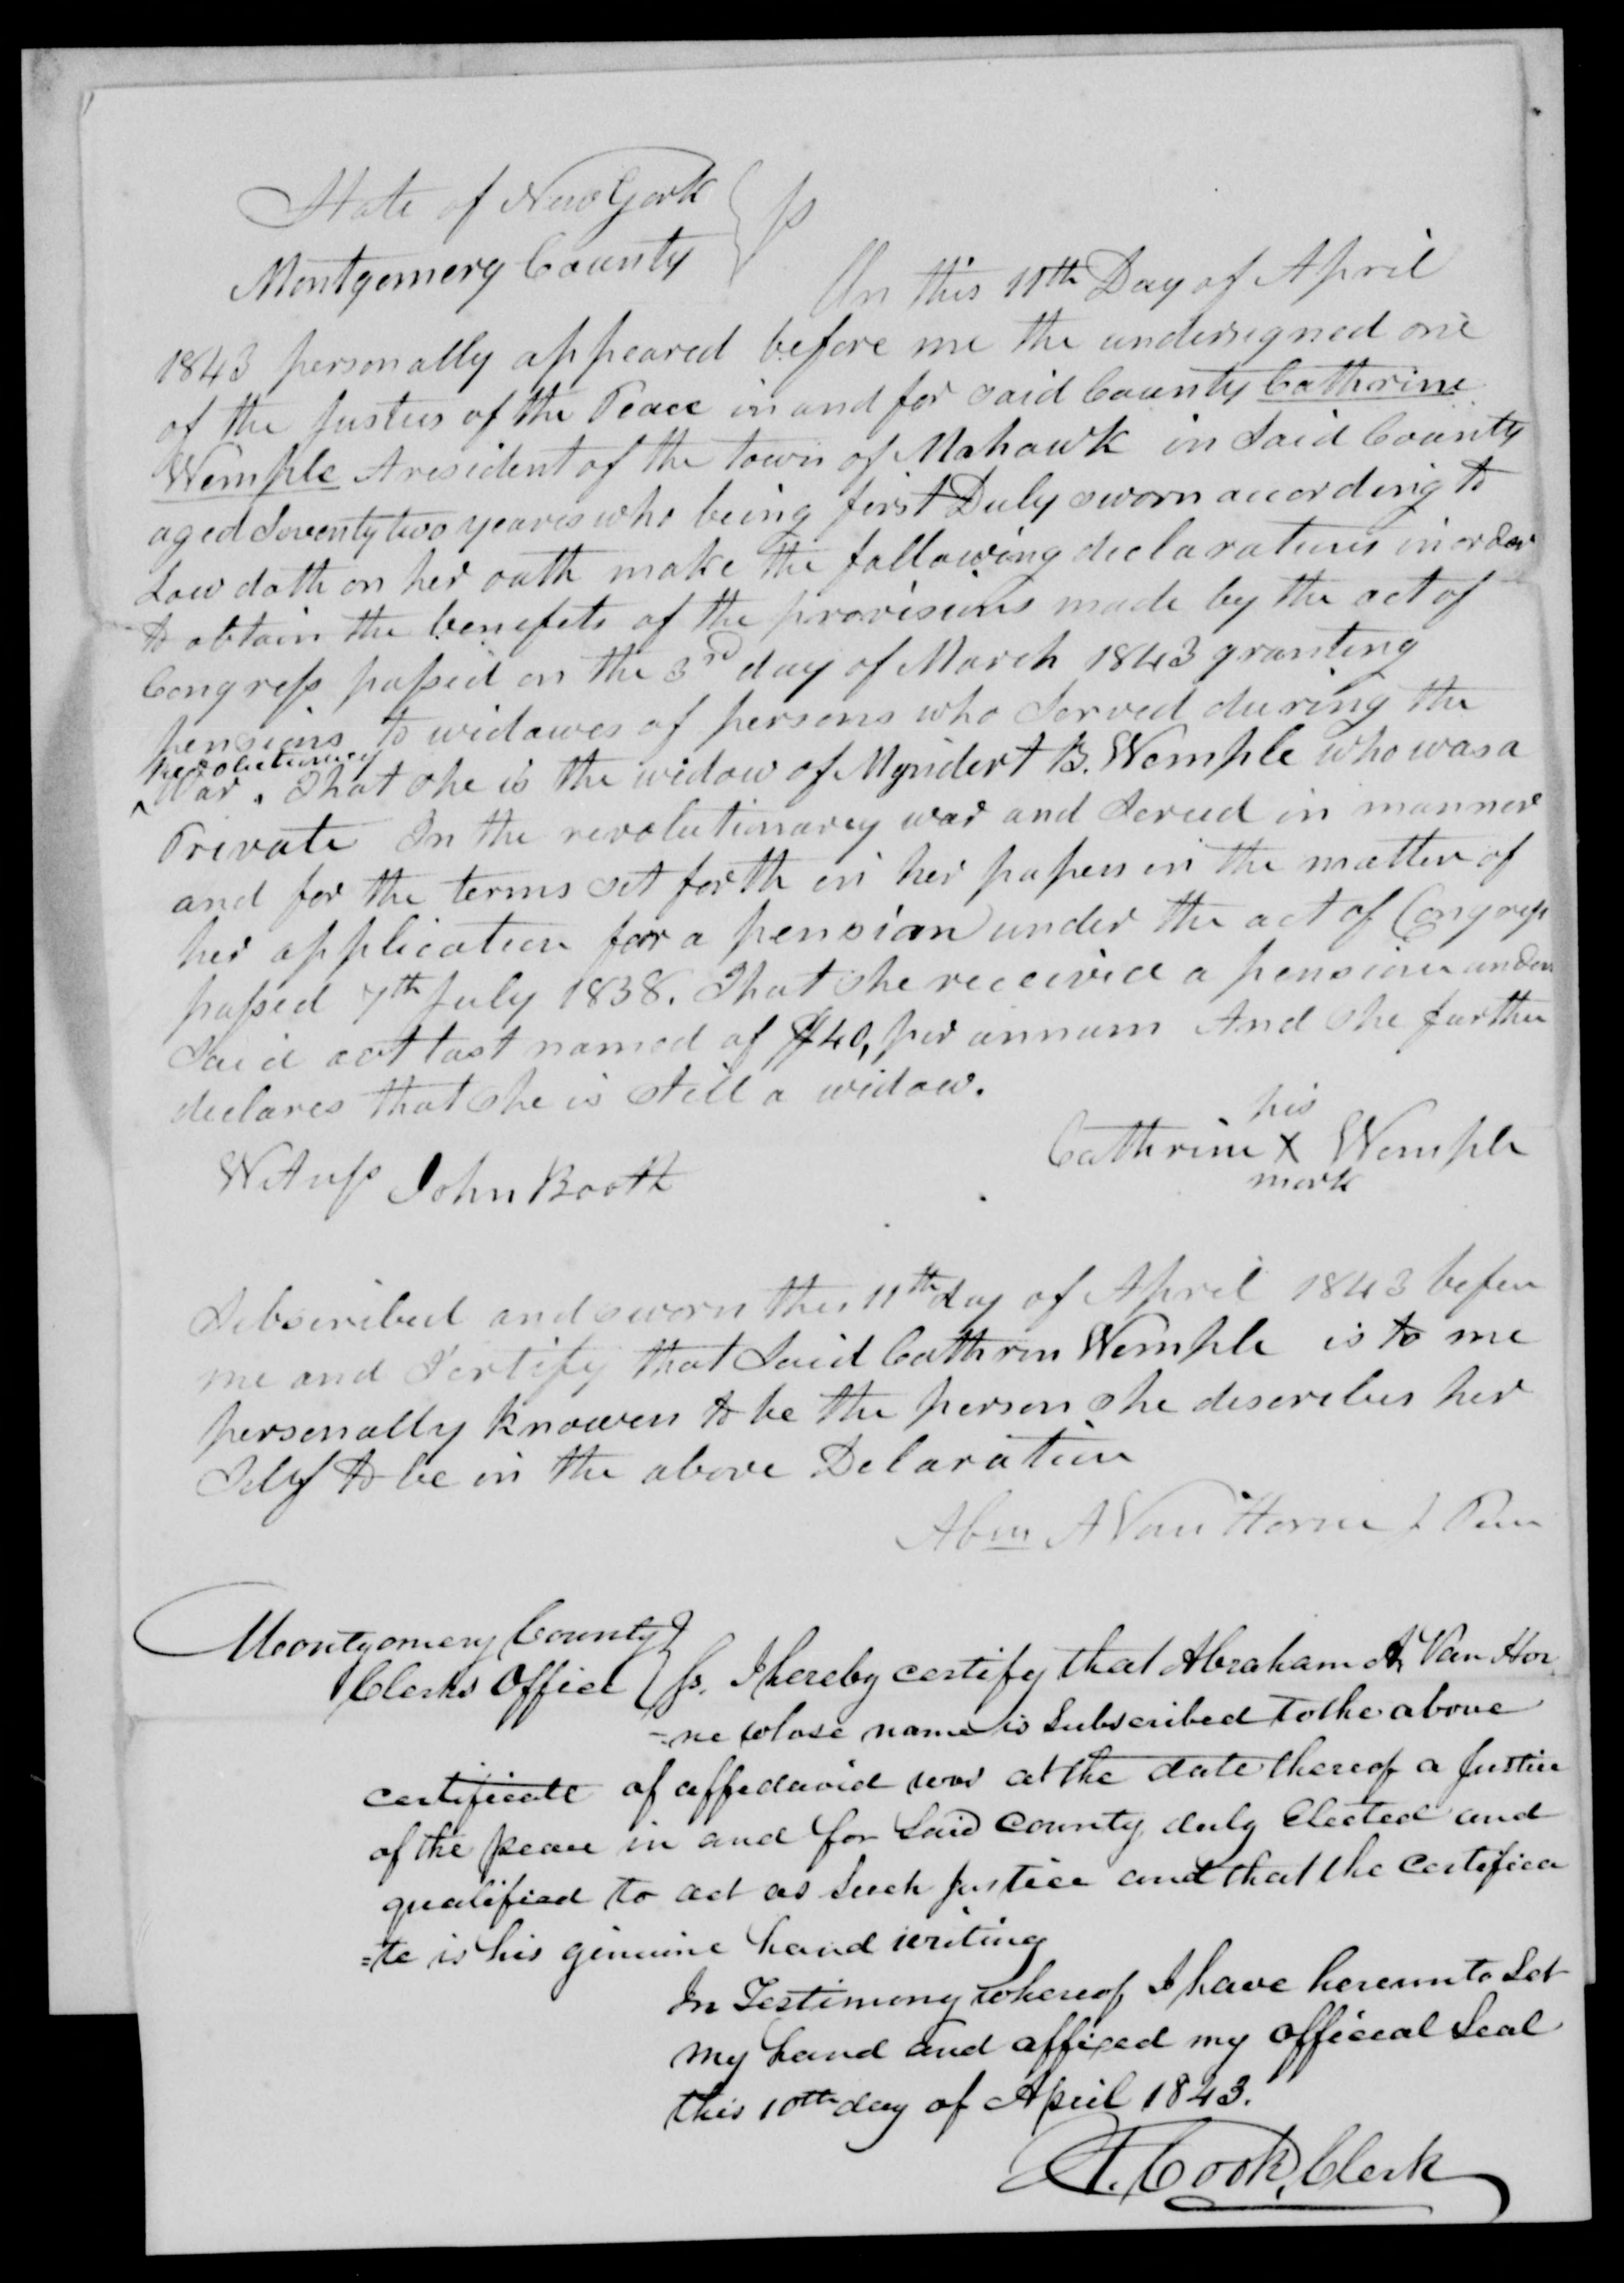State of New York}
Montgomery County}  ss
On this 11th Day of April
1843 personally appeared before me the undersigned one of the
Justices of the Peace in and for said County Cathrine(Catharine)
Wemple a resident of the town of Mohawk in said County aged Seventy two years who being first Duly sworn according to
Law doth on her oath make the following declaration in order
obtain the benefits of the provisions made by the act of
Congress passed on the 3rd day of March 1843 granting
pensions to widowes(widows) of persons who Served during the Revolutionary War.
That she is the widow of Myndert B Wemple who was a
Private in the revolutionary war and 
Served in manner
and for the terms set forth in her papers in the matter of
her application for a pension under the act of Congress
passed 7th July 1838. That she received a pension under
said act last named of $40 per annum And she further
declares that she is still a widow.
Witness John Booth
            his
Cathrine   X    Wemple
mark

Subscribed and sworn this 11th day of April 1843 before
me and certify that said Cathrin(Catharine) Wemple is to me
personally known to be the person she describes her
self to be in the above Declaration
Abm A Van Horne  J Peace

Montgomery County}
Clerks Office} ss
I hereby certify that Abraham A. Van Horne
whose name is Subscribed to the above
certificate of affidavid(affidavit) was at the date thereof a Justice
of the peace in and for Said County duly Elected and
qualified to act as Such Justice and that the certificate
is his genuine hand writing
In Testimony whereof I have hereunto Set
my hand and affixed my official Seal
this 10th day of April 1843.

H. Cook,  Clerk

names: Cathrine Wemple, John Booth, Abm A Van Horne, Myndert B Wemple, H Cook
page: 47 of 51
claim: widow's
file: W. 19604, Myndert B Wemple, New York